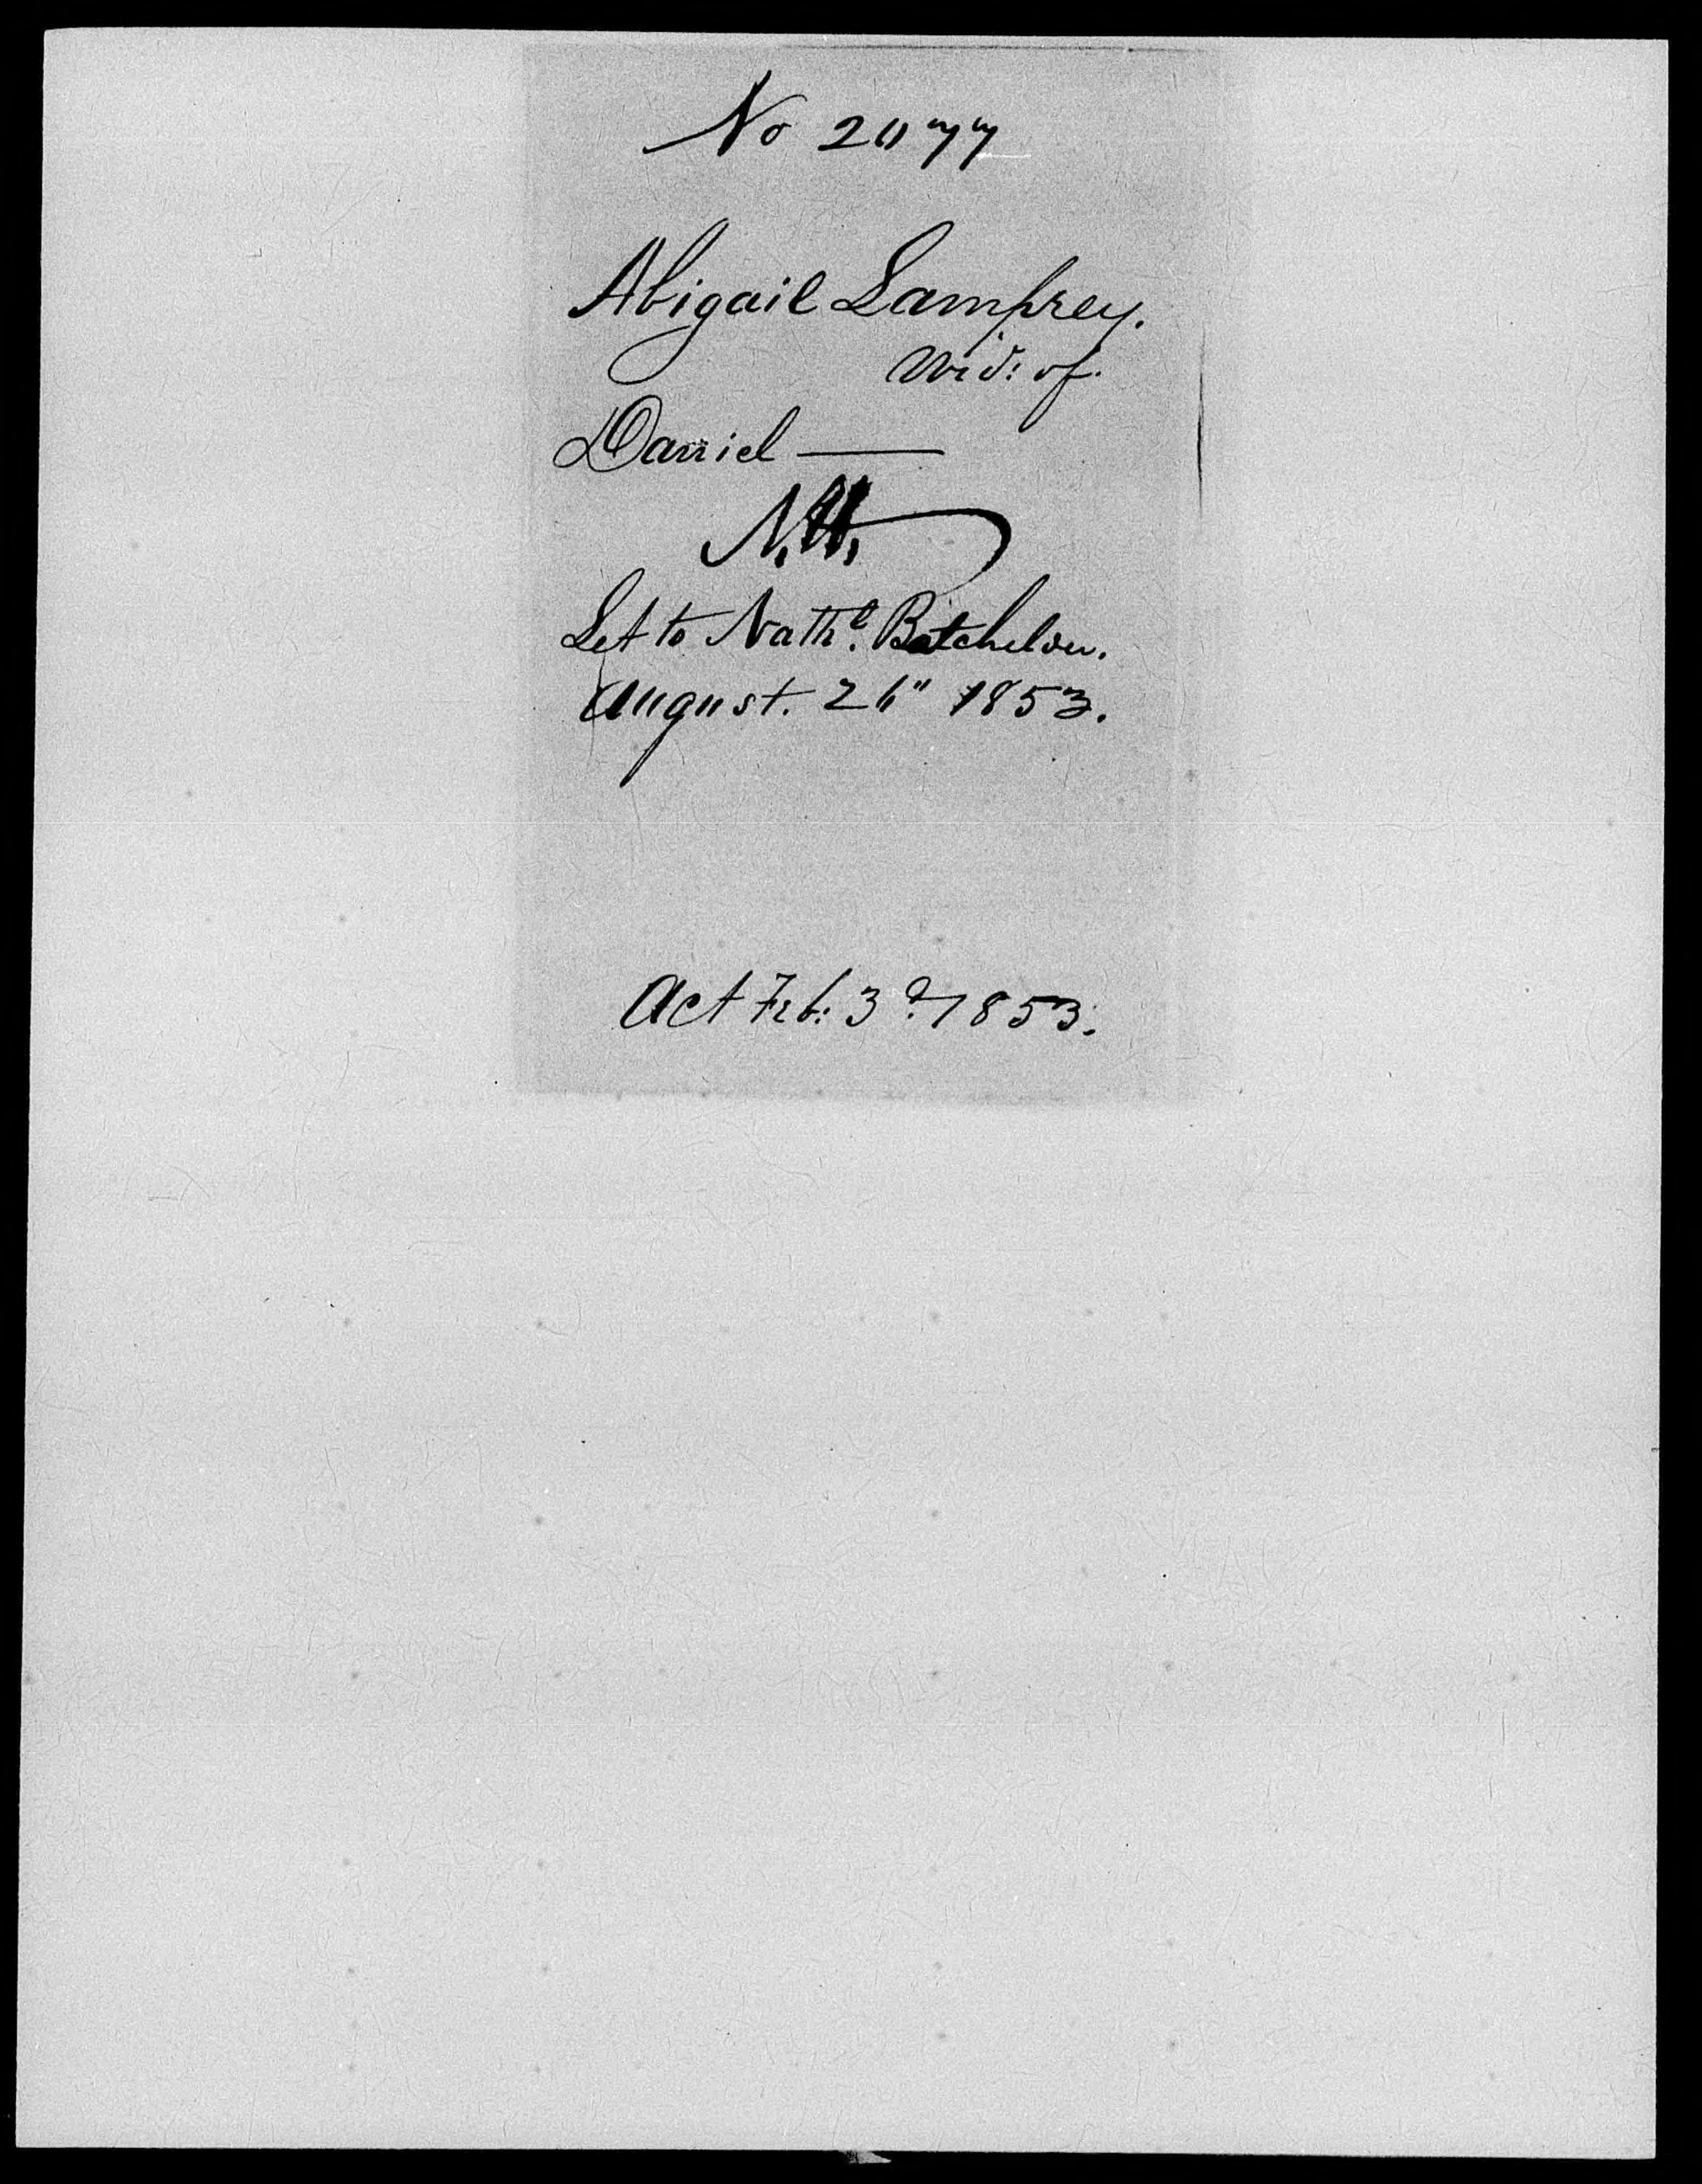No 2077
Abigail Lamprey wid: [WIDOW] of Daniel
N.H.
Let [LETTER] to Nathl. [NATHANIEL] Batchelder
August 26th 1853

Act Feb. 3d 1853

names: Abigail Lamprey; Daniel Lamprey; Nathl Batchelder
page: 24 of 53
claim: widow's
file: W. 492, for Daniel Lamprey, New Hampshire